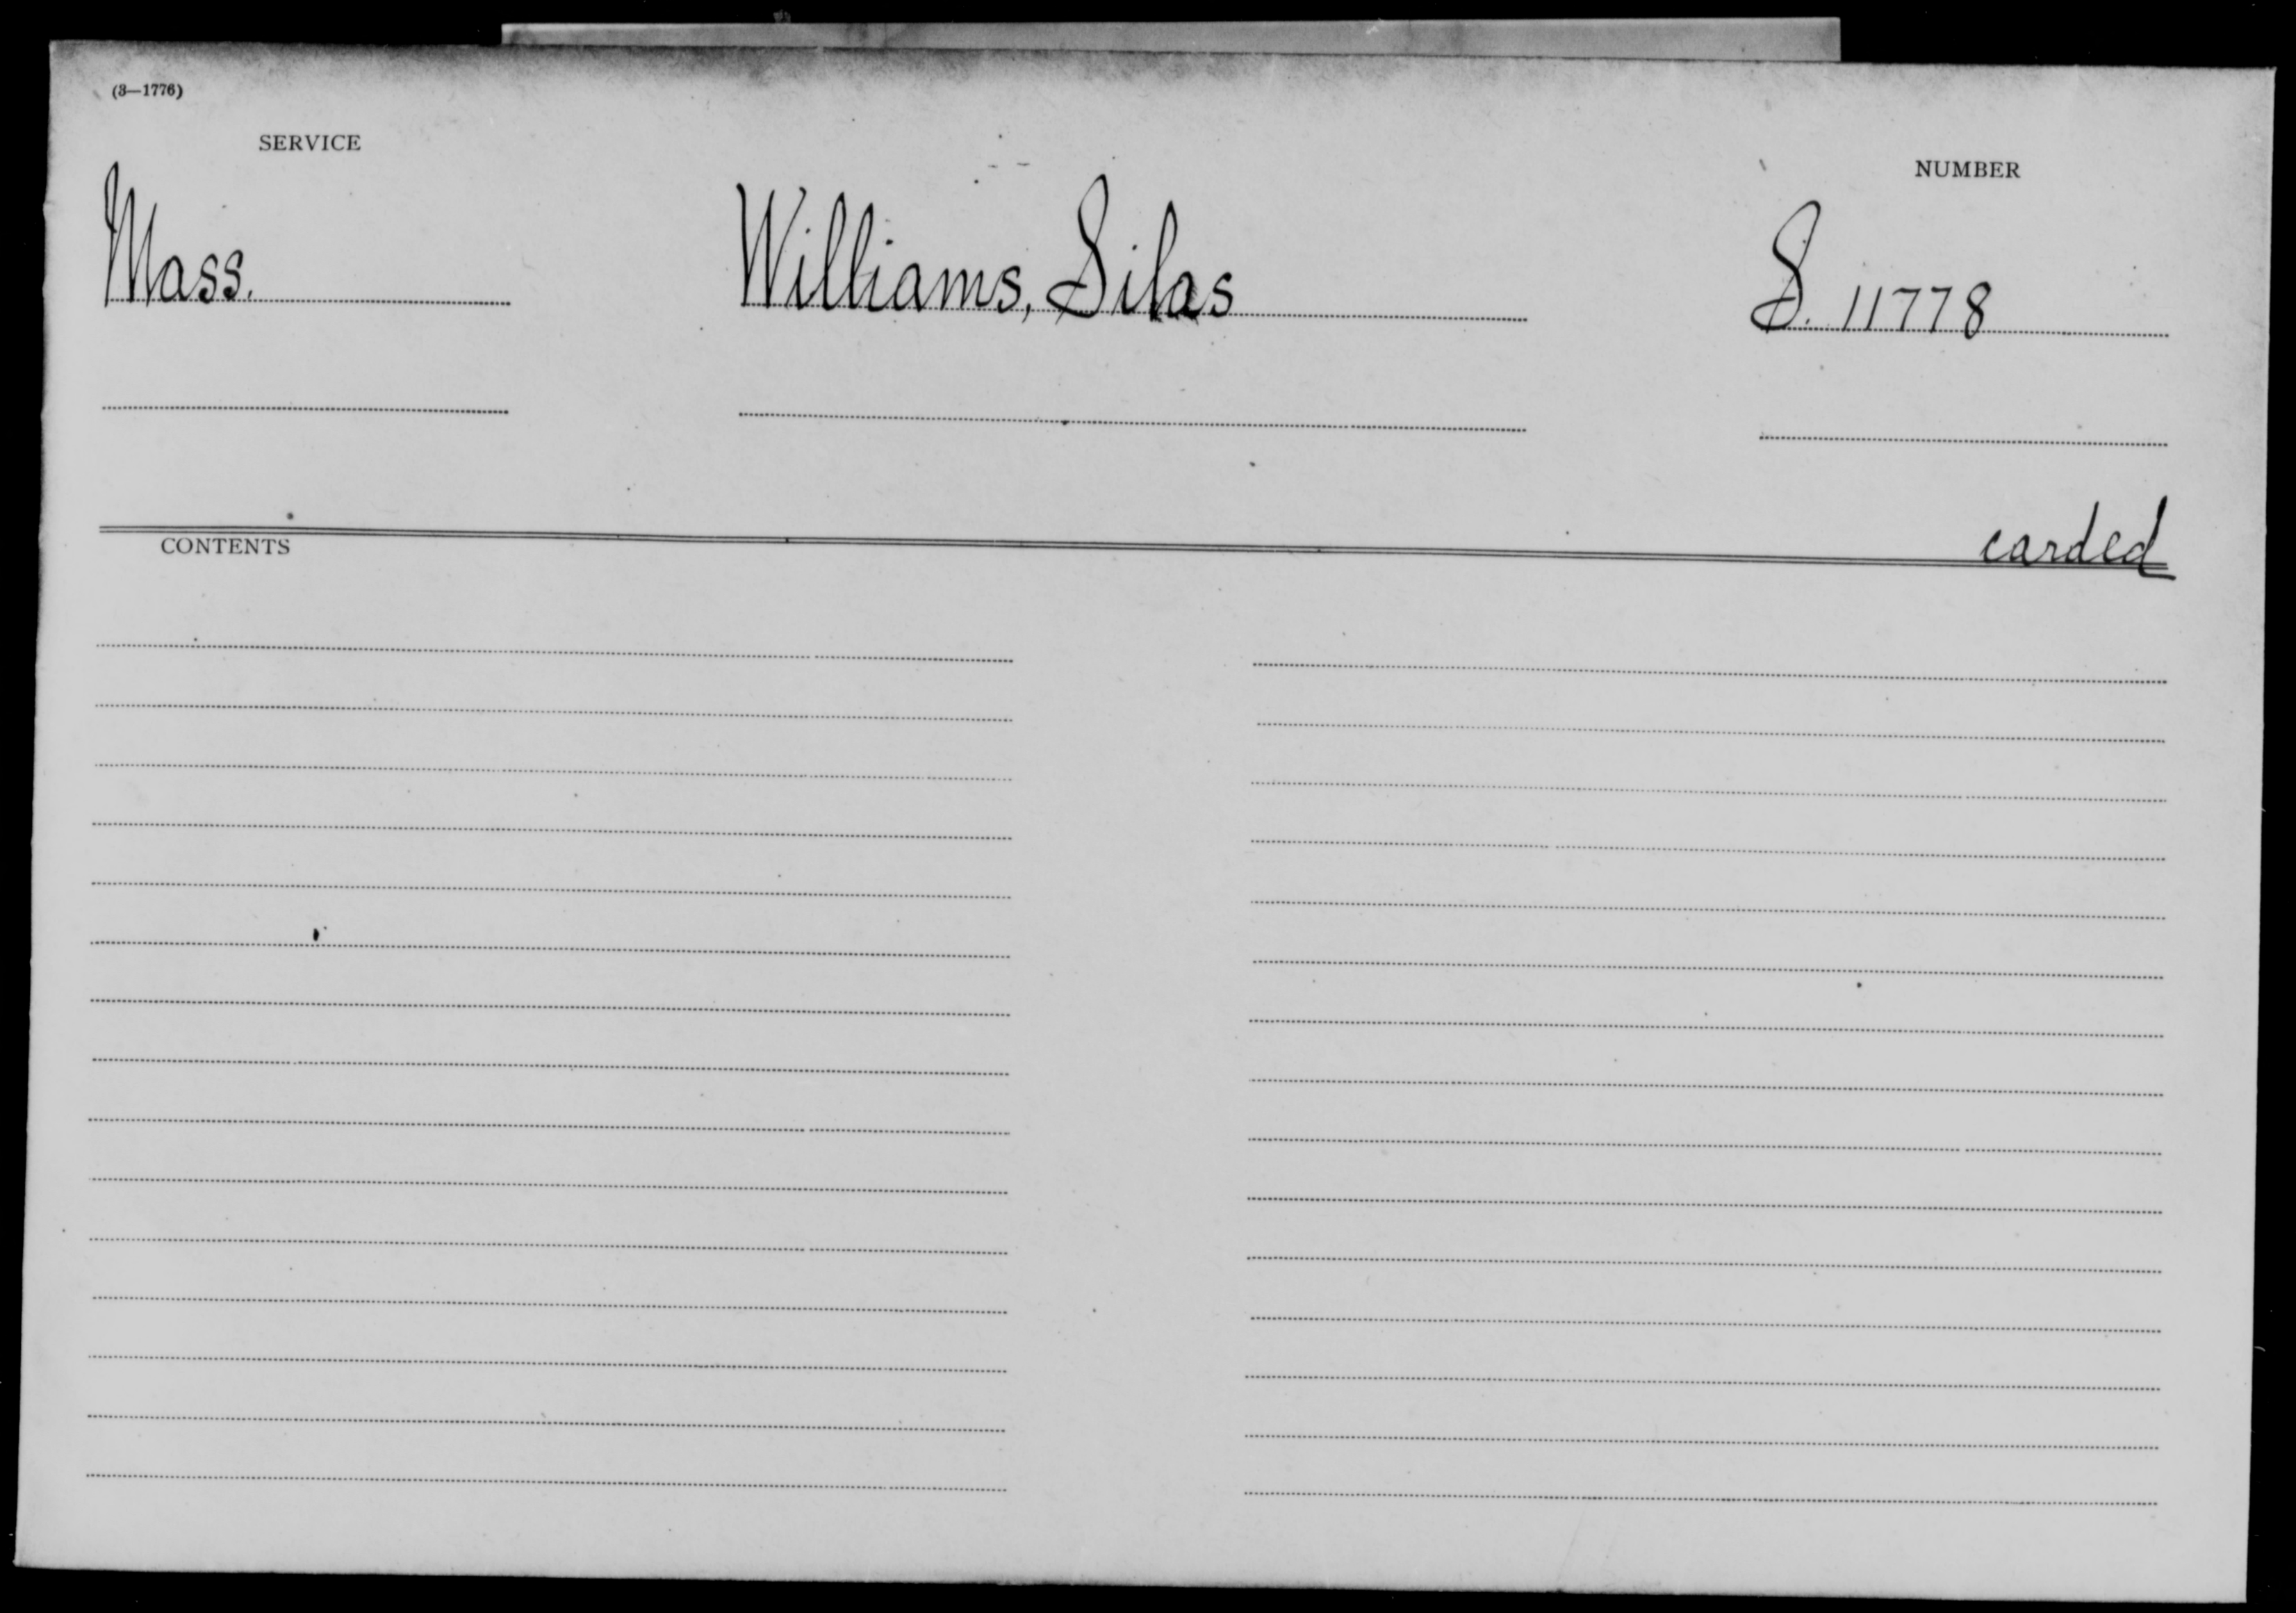(3-1776) 
SERVICE NUMBER
Mass Williams, Silas S 11778
carded
CONTENTS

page: 1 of 20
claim: survivor's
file: S. 11778, Silas Williams, Mass.